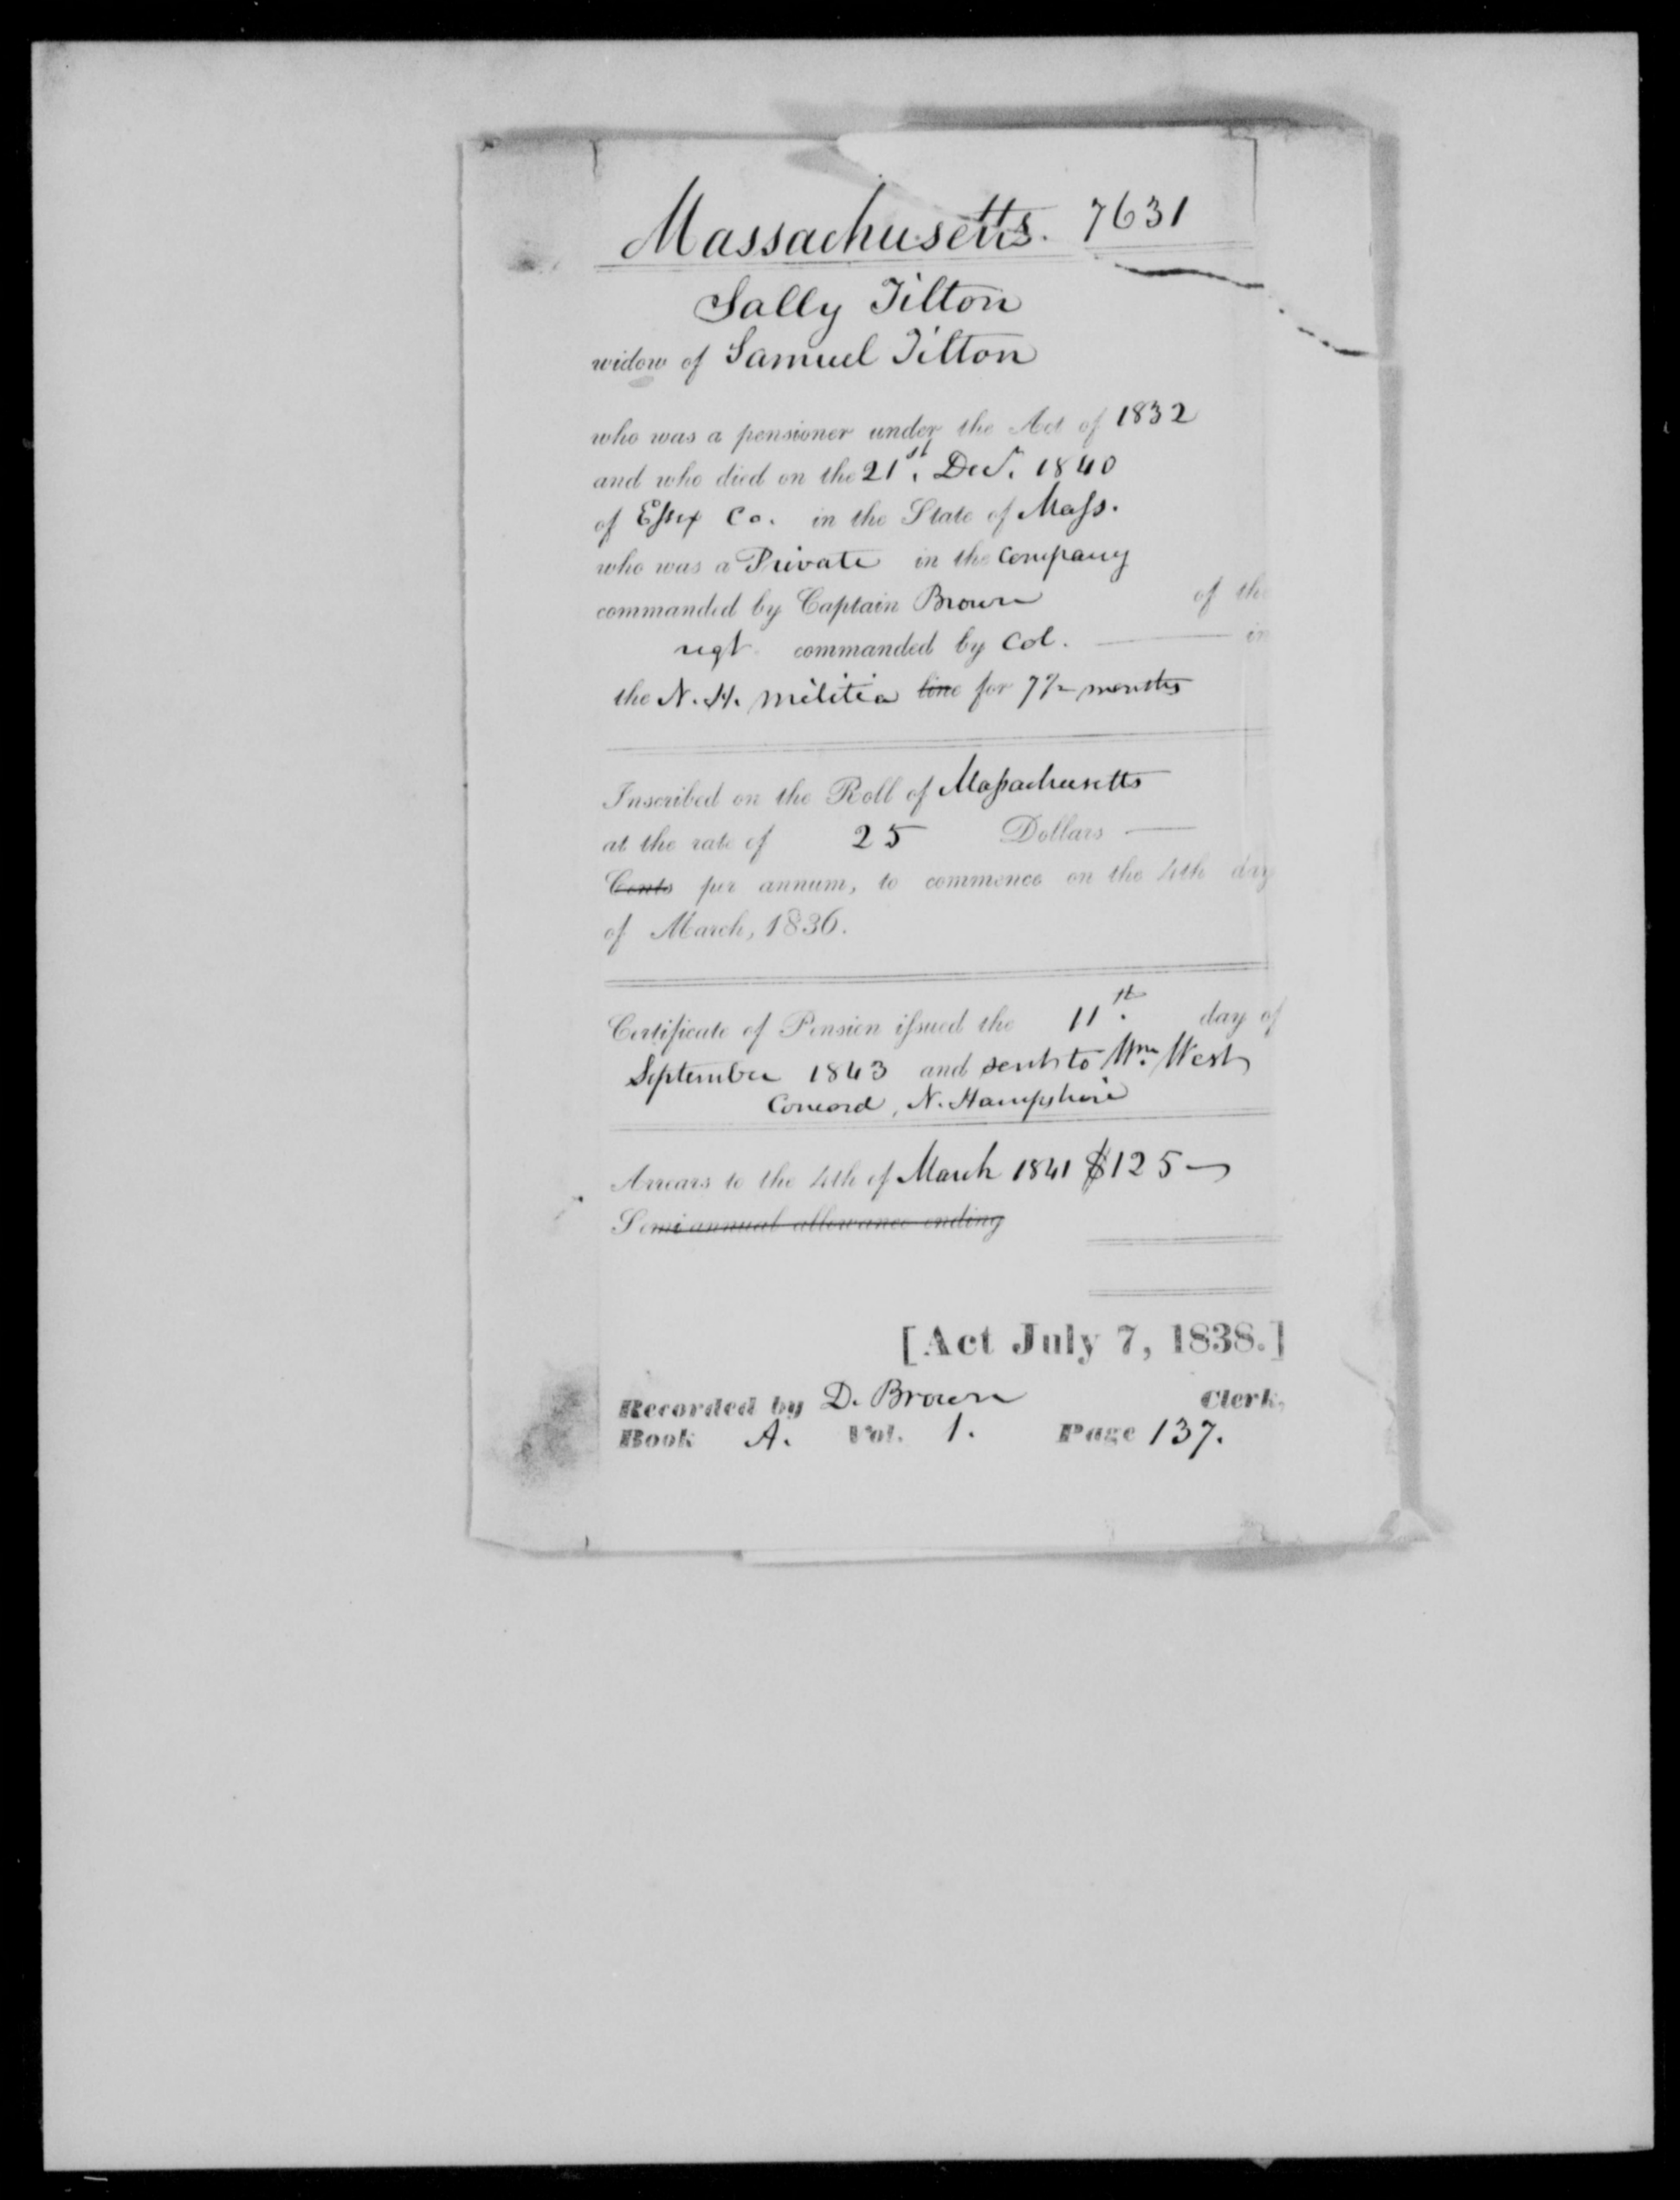Massachusetts. 7631
Sally Tilton
widow of Samuel Tilton
who was a pensioner under the Act of 1832
and who died on the 21st Decr 1840
of Essex Co. in the State of Mass
who was a Private in the Company
commanded by Captain Brown
of the regt commanded by Col. [blank]
in the N.H. Militia line [crossed out] for 7 1/2 months

Inscribed on the Roll of Massachusetts
at the rate of 25 Dollars [blank] Cents [crossed out]
per annum, to commence on the 4th day
of March, 1836.

Certificate of Pension issued the 11th day of
September 1843 and sent to Wm West
Concord, N. Hampshire

Arrears to the 4th of March 1841 $125-
Semi annual allowance ending [crossed out]
Act July 7, 1838.
Recorded by D. Brown Clerk,
Book A. Vol 1 Page 137.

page: 21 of 55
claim: widow's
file: W. 14,021, for Samuel Tilton, New Hampshire